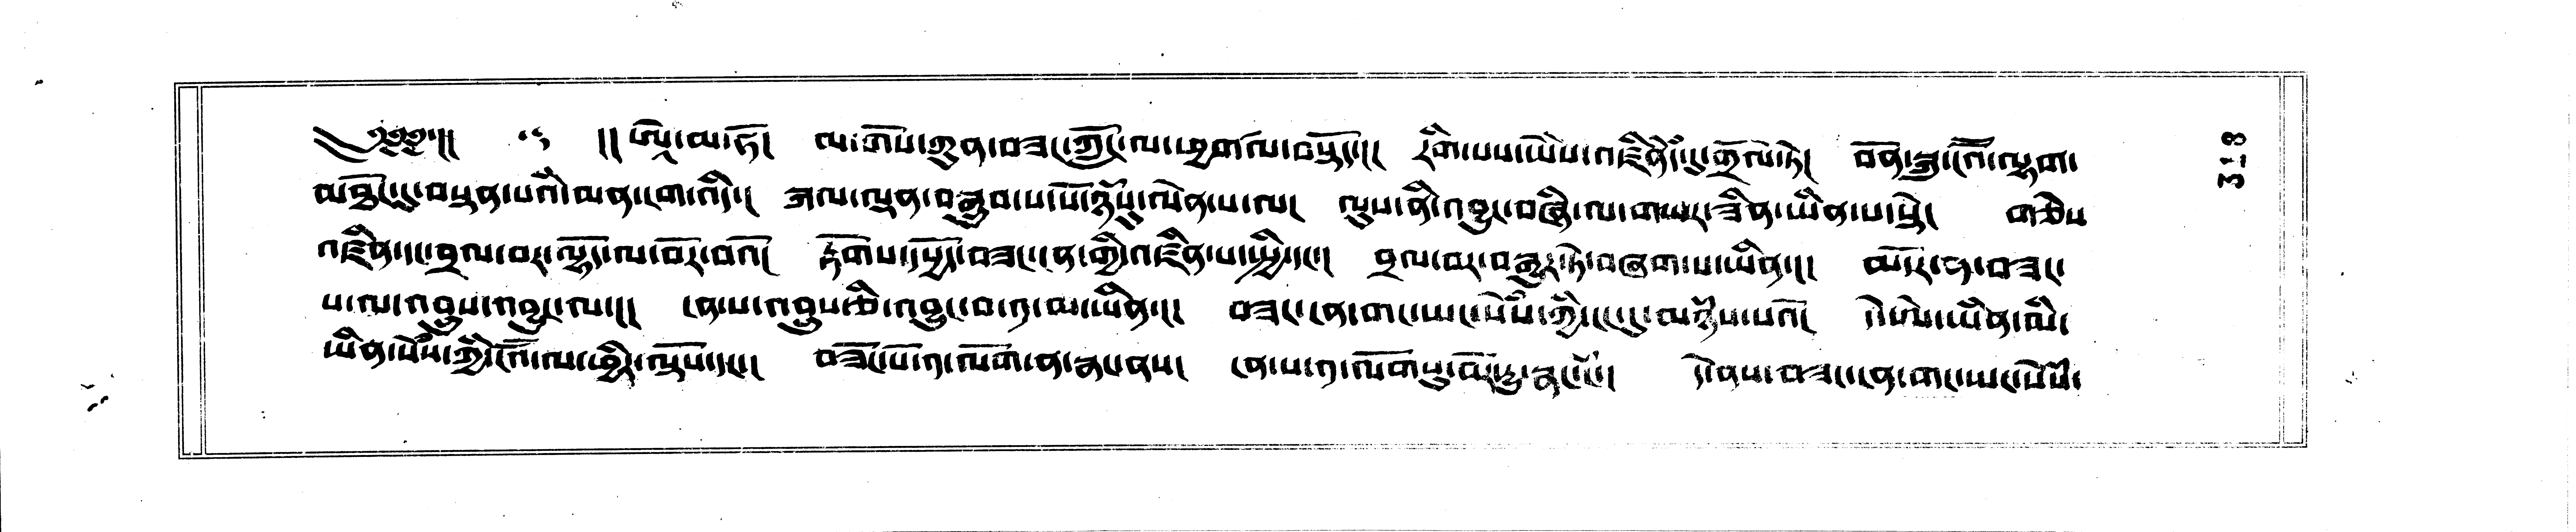ཨེ་མ་ཧོ།། མ་གཡོས་ཀུན་བཟང་ཀློང་ལ་ཕྱག་འཚལ་བསྟོད། རིག་པའི་ཡེ་ཤེས་འཛིན་མེད་དུ་གྲོལ་ཏེ། བོན་སྐུའི་ངོའོ་ལྷག་
མཐོང་དུ་བསྟན་པའི་མེན་ངག་འདི། སྐལ་ལྡན་བསྒྲུབ་པ་པོའི་ཉམས་སུ་བླངས་པ་ལ། ལུས་ནི་འབྱུང་པ་བཞི་ལ་གཡར་ཟིན་ཏེ། གཅེས་
འཛིན་དང་བྲལ་བར་ལྷོད་ལ་བོར་བའོ། རྟོགས་སྤྱོད་༼དཔྱོད༽བཟང་ངན་གྱིས་འཛིན་པ་ཅི་ཡང་བྲལ་བར་སྐྱུར་ཏེ་བཞག་པ་ཡིན། མདོར་ན་བཟང་
པོ་ལས་འབྲས་བུ་འབྱུང་བ་ངན་པ་ལས་འབྲས་བུ་འབྱུང་ལ། ངན་པ་ལ་འབྲས་བུ་༼མི༽འབྱུང་བ་ཞིག་མ་ཡིན། བཟང་ངན་གང་ཡིན་སེམས་ཀྱིས་ངང་དུ་མཉམ་པའོ། དེ་ཨི་ཡིན་མི་
ཡིན་དེ་སེམས་ཀྱིས་ངོའོ་ལ་ཕྱིར་ལྟོས་དང་། བཟང་པོ་ཅིག་ལོགས་སུ་སྣང་ནས། ངན་པ་ཅིག་རས་སུ་བོར་རྒྱུ་སྣང་ངམ། དེ་ནས་བཟང་ངན་གང་ལའང་སེམས་